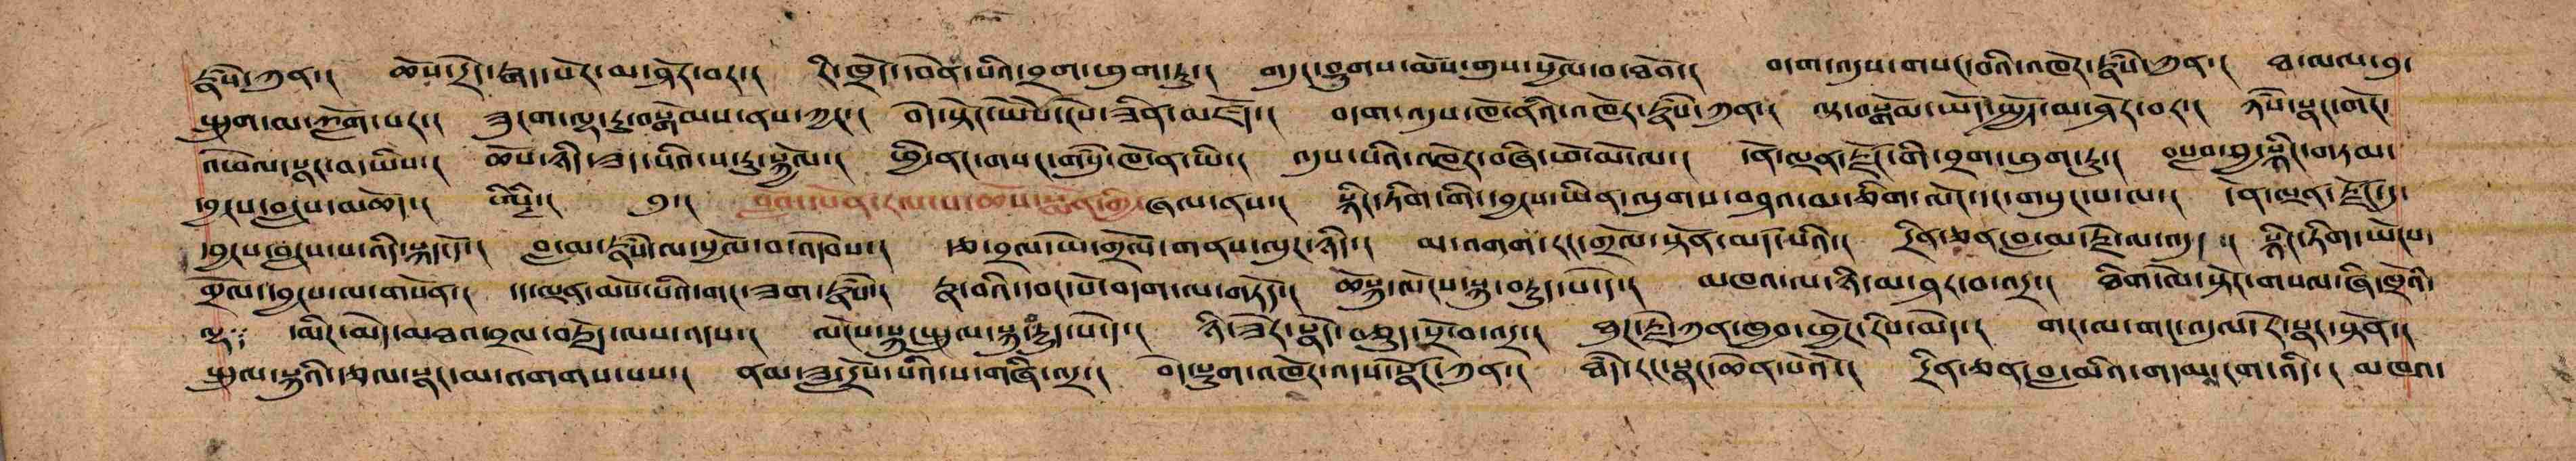རྣམས་ཀུན། ཆོས་དྲེད་རྒད་པོར་མ་ཤོར་བར། རི་ཁྲོད་དབེན་པའི་བྲག་ཕུག་ཏུ། གདུང་ཤུགས་མོས་གུས་གསོལ་བ་ཐོབ། བདག་འདུས་གསང་བའི་འཁོར་རྣམས་ཀུན། ཐ་མལ་བུ་
སྤྲུག་མ་ཀློག་པར། ཟུང་འཇུག་ལྷ་རུ་བསྒོམས་ནས་ཀྱང་། བདེ་སྟོང་ཡེ་ཤེས་ངེས་ཟིན་མཛོད། བདག་འདུས་ཁོ་ནའི་འཁོར་རྣམས་ཀུན། ལྟ་བསྒོམ་ཡོང་སྤྱོད་མ་ཤོར་བར། ཉམས་སྣང་གོང་
འཕེལ་སྣང་བ་ཡིས། ཆོས་ཉིད་ཟད་པའི་ས་རུ་སྐྱོལ། ཕྱི་ནང་གསང་གསུམ་ཁོ་ན་ཡི། འདུས་པའི་འཁོར་བཞི་ཕོ་མོ་ལ། དོན་ལྡན་རྫོང་གི་བྲག་ཕུག་ཏུ། བསླབ་བྱ་སྙིང་གཏམ་
དབྱངས་བླངས་མཆོད། ཨིཊི། ༄་། སློབ་དཔོན་རམ་པ་ཆོས་སྨན་གྱི་ཞལ་ནས། སྙིང་ཏིག་གི་དབྱངས་ཡིན་ལུགས་བཤའ་མ་ཅིག་ལོང་དང་གསུང་པ་ལ། དོན་ལྡན་རྫོང་དུ་
དབྱངས་བླར་ནས་པ་འདི་སྐད་དོ། བླ་མ་རྣམས་ལ་གསོལ་བ་འདེབས། རྩ་བྲལ་ཡེ་གྲོལ་གནས་ལུགས་ཉིད། མ་འགག་རང་གྲོལ་སྟོན་མཛད་པའི། དྲིན་ཅན་བླ་མ་རྗེ་ལ་འདུད། སྙིང་ཏིག་ཡོངས་
གྲོལ་དབྱངས་ལ་གསོན། དད་ལྡན་མོས་པའི་གང་ཟག་རྣམས། རྣམ་བའི་དབང་པོ་བདག་ལ་གཏོད། ཆོས་སྐུ་ལོངས་སྐུ་བརྒྱུད་པ་དེ། མཁའ་ལ་ཉི་མ་ཤར་བ་འདྲ། ཐིག་ལེ་སྟོང་གསལ་ཞི་ཁྲོའི་
ལྷ༑ དམིགས་མེད་མཐའ་བྲལ་བརྗོད་ལས་འདས། ལོངས་སྐུ་སྤྲུལ་སྐུ་བདྱུད་པ་དེ། ཉི་ཟེར་སྣོད་བཅུད་སྲོ་བ་འདྲ། ཐུགས་རྗེ་ཀུན་ཁྱབ་ཕྱོགས་རིས་མེད། གང་ལ་གང་འདུལ་རེ་སྣང་སྟོན། 
སྤྲུལ་སྐུའི་རྩལ་སྣང་མ་འགགས་པས། ནམ་ཟླ་དྲོས་པའི་ས་གཞི་འདྲ། བདེ་སྡུག་འཁོར་འདས་སྣ་ཚོགས་ཀུན། ཐམས་ཅད་རང་སྣང་ཆེན་པོའོ། དྲིན་ཅན་བླ་མའི་གདམས་ངག་འདི། མཁའ་